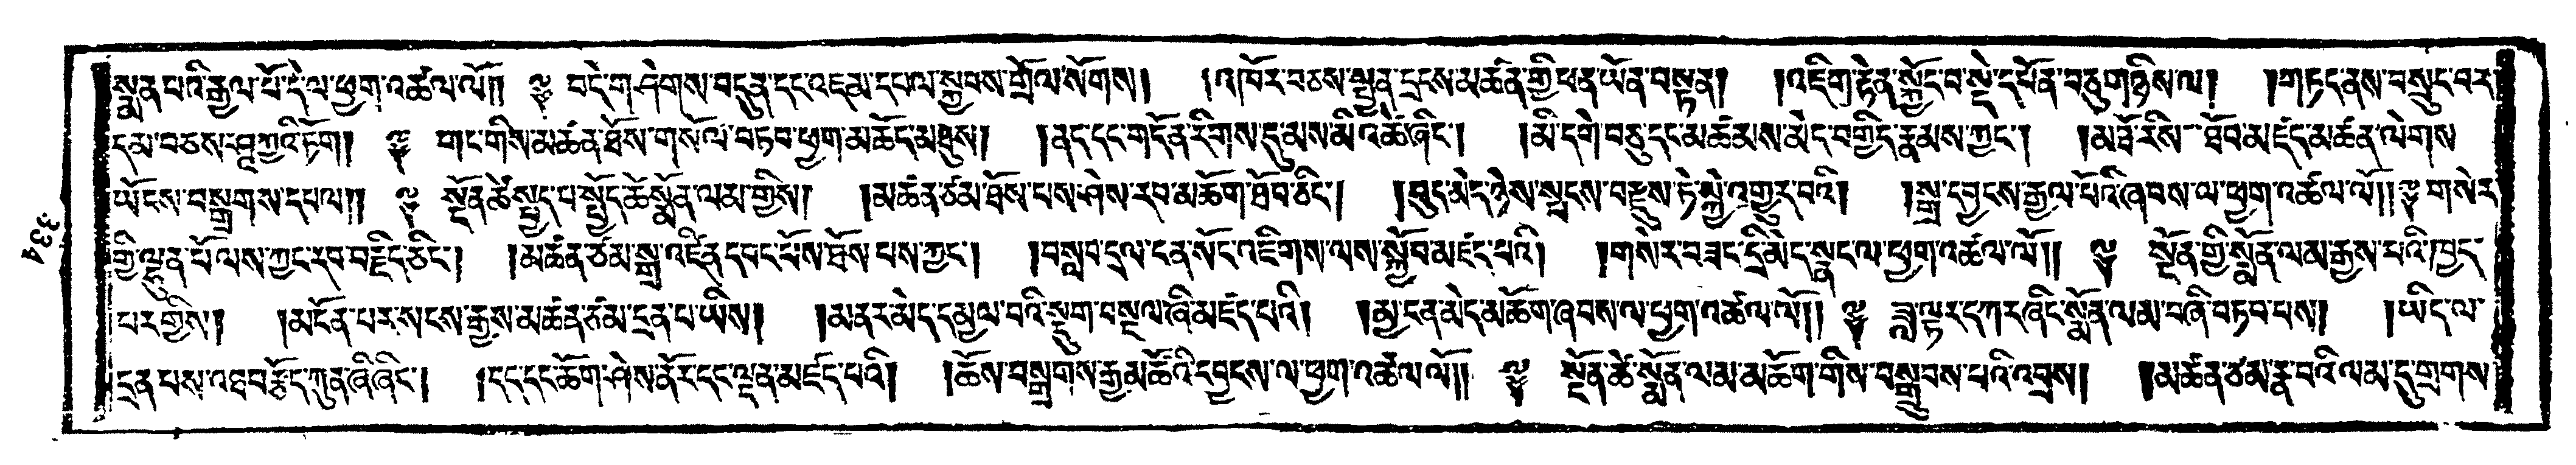སྨན་པའི་རྒྱལ་པོ་དེ་ལ་ཕྱག་འཚལ་ལོ།། ༈ བདེ་གཤེགས་བདུན་དུ་དང་འཇམ་དཔལ་སྐྱབས་གྲོལ་སོགས། །འཁོར་བཅས་སྤྱན་དྲངས་མཚན་གྱི་ཕན་ཡོན་བསྟན། །འཇིག་རྟེན་སྐྱོང་བ་སྡེ་དཔོན་བཅུ་གཉིས་ལ། །གཏད་ནས་བསྲུང་བར་
དམ་བཅས་ཤཱཀྱའི་ཏོག། ༈ གང་གིས་མཚན་ཐོས་གསོལ་བཏབ་ཕྱག་མཆོད་མཐུས། །ནད་དང་གདོན་རིགས་དུ་མས་མི་འཚེ་ཞིང་། །མི་དགེ་བཅུ་དང་མཚམས་མེད་བགྱིད་རྣམས་ཀྱང་། །མཐོ་རིས་ཐོབ་མཛད་མཚན་ལེགས་
ཡོངས་བསྒྲགས་དཔལ།། ༈ སྔོན་ཚེ་སྤྱད་པ་སྤྱོད་ཚེ་སྨོན་ལམ་གྱིས། །མཚན་ཙམ་ཐོས་པས་ཤེས་རབ་མཆོག་ཐོབ་ཅིང་། །བུད་མེད་ཉེས་སྤངས་བརྫུས་ཏེ་སྐྱེ་འགྱུར་བའི། །སྒྲ་དབྱངས་རྒྱལ་པོའི་ཞབས་ལ་ཕྱག་འཚལ་ལོ།། ༈ གསེར་
གྱི་ལྷུན་པོ་ལས་ཀྱང་རབ་བརྗིད་ཅིང་། །མཚན་ཙམ་སྒྲ་འཛིན་དབང་པོས་ཐོས་པས་ཀྱང་། །བསླབ་དྲལ་ངན་སོང་འཇིགས་ལས་སྐྱོབ་མཛད་པའི། །གསེར་བཟང་དྲི་མེད་སྣང་ལ་ཕྱག་འཚལ་ལོ།། ༈ སྔོན་གྱི་སྨོན་ལམ་རྒྱས་པའི་ཁྱད་
པར་གྱིས། །མངོན་པར་སངས་རྒྱས་མཚན་ཙམ་དྲན་པ་ཡིས། །མནར་མེད་དམྱལ་བའི་སྡུག་བསྔལ་ཞི་མཛད་པའི། །མྱ་ངན་མེད་མཆོག་ཞབས་ལ་ཕྱག་འཚལ་ལོ།། ༈ ཟླ་ལྟར་དཀར་ཞིང་སྨོན་ལམ་བཞི་བཏབ་པས། །ཡིད་ལ་
དྲན་པས་འཐབ་རྩོད་ཀུན་ཞི་ཞིང་། །དད་དང་ཆོག་ཤེས་ནོར་དང་ལྡན་མཛད་པའི། །ཆོས་བསྒྲགས་རྒྱ་མཚོའི་དབྱངས་ལ་ཕྱག་འཚལ་ལོ།། ༈ སྔོན་ཚེ་སྨོན་ལམ་མཆོག་གིས་བསྒྲུབ་པའི་འབྲས། །མཚན་ཙམ་རྣ་བའི་ལམ་དུ་གྲགས་